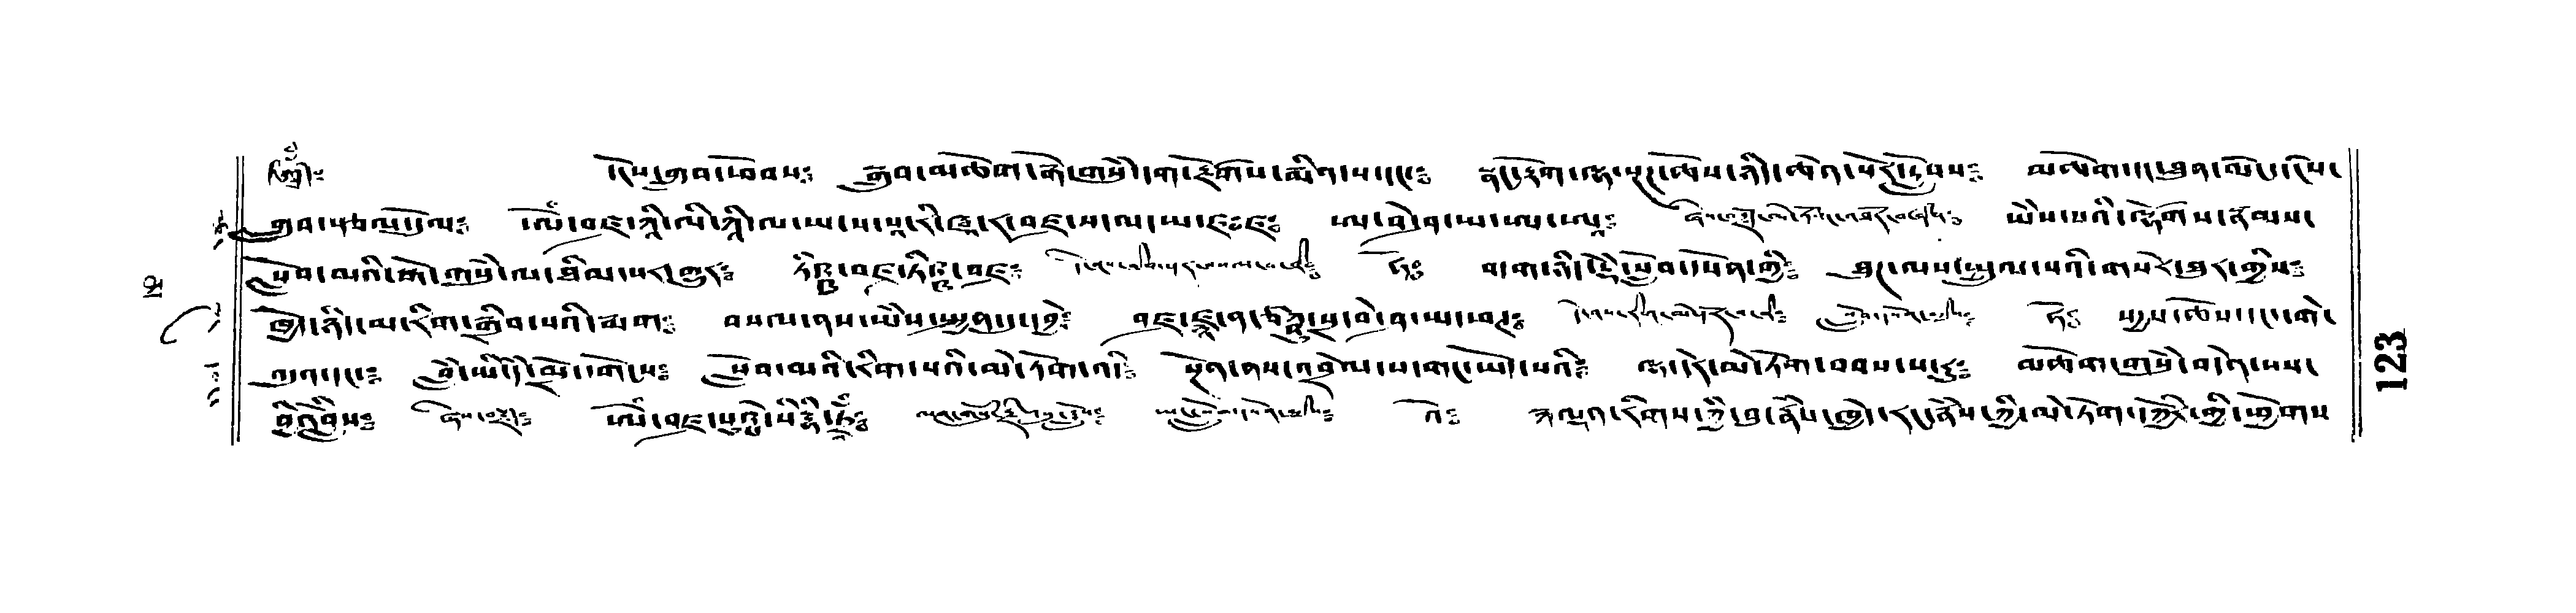དངོས་གྲུབ་ཕོབས༔ སྒྲུབ་མཆོག་སྒོ་གསུམ་དག་རྫོགས་སྨིན་པ་དང༔ སྣང་རྟོག་ལྷ་སྔགས་ཆོས་ཉིད་ཆེན་པོར་རློབས༔ མཆོག་དང་ཐུན་མོང་དངོས་
གྲུབ་བསྩལ་དུ་གསོལ༔ ཨོཾ་བཛྲ་ཀཱི་ལི་ཀཱི་ལ་ཡ་ས་པཱ་རི་ཝཱ་ར་བཛྲ་ས་མ་ཛཿཛཿ ཨ་བེ་ཤ་ཡ་ཨ་ཨཱཿ ཞེས་བརྗོད་མེ་ཏོག་འཐོར་བཞིན༔ ཡེ་ཤེས་པའི་ལྷ་ཚོགས་རྣམས་
སློབ་མའི་སྒོ་གསུམ་ལ་ཐིམ་པར་གྱུར༔ ཏིཥྛ་བཛྲ༔ ཏིཥྛ་བཛྲ༔ དེ་ནས་མིག་དར་བསལ་བ་ནི༔ ཧོཿ བདག་ཉིད་རྡོ་རྗེ་སློབ་དཔོན་གྱི༔ ཐུགས་ལས་སྤྲུལ་པའི་གསེར་ཐུར་གྱིས༔
ཁྱོད་ཉིད་མ་རིག་སྒྲིབ་པའི་སྨག༔ བསལ་ནས་ཡེ་ཤེས་སྤྱན་དུ་དབྱེ༔ བཛྲ་ཛྙཱ་ན་ཙཀྵུ་པྲ་བེ་ཤ་ཡ་ཕཊཿ དེ་ནས་རིག་མེ་དོར་བ་ནི༔ སློབ་དཔོན་གྱིས༔ ཧོཿ སངས་རྒྱས་ཆོས་དང་དགེ་
འདུན་དང༔ བླ་མ་ཡི་དམ་མཁའ་འགྲོ་དགོངས༔ སློབ་མའི་རིག་པའི་མེ་ཏོག་འདི༔ སྔོན་ནས་འབྲེལ་པ་གང་ཡོད་པའི༔ ལྷ་དེར་མེ་ཏོག་བབས་པ་རུ༔ མཆོག་གསུམ་བདེན་པས་
བྱིན་གྱིས་རློབས༔ ཞེས་བརྗོད༔ ཨོཾ་བཛྲ་པུཥྤེ་སིདྡྷི་ཏྲཱྃ༔ ལན་གསུམ་རྗེས་སུ་ཟློས༔ ཡང་སློབ་དཔོན་གྱིས༔ འོ༔ སྐལ་ལྡན་རིགས་ཀྱི་བུ་རྣམས་ཁྱེད་རང་རྣམས་ཀྱི་མེ་ཏོག་དཀྱིལ་འཁོར་གྱི་ཕྱོགས་